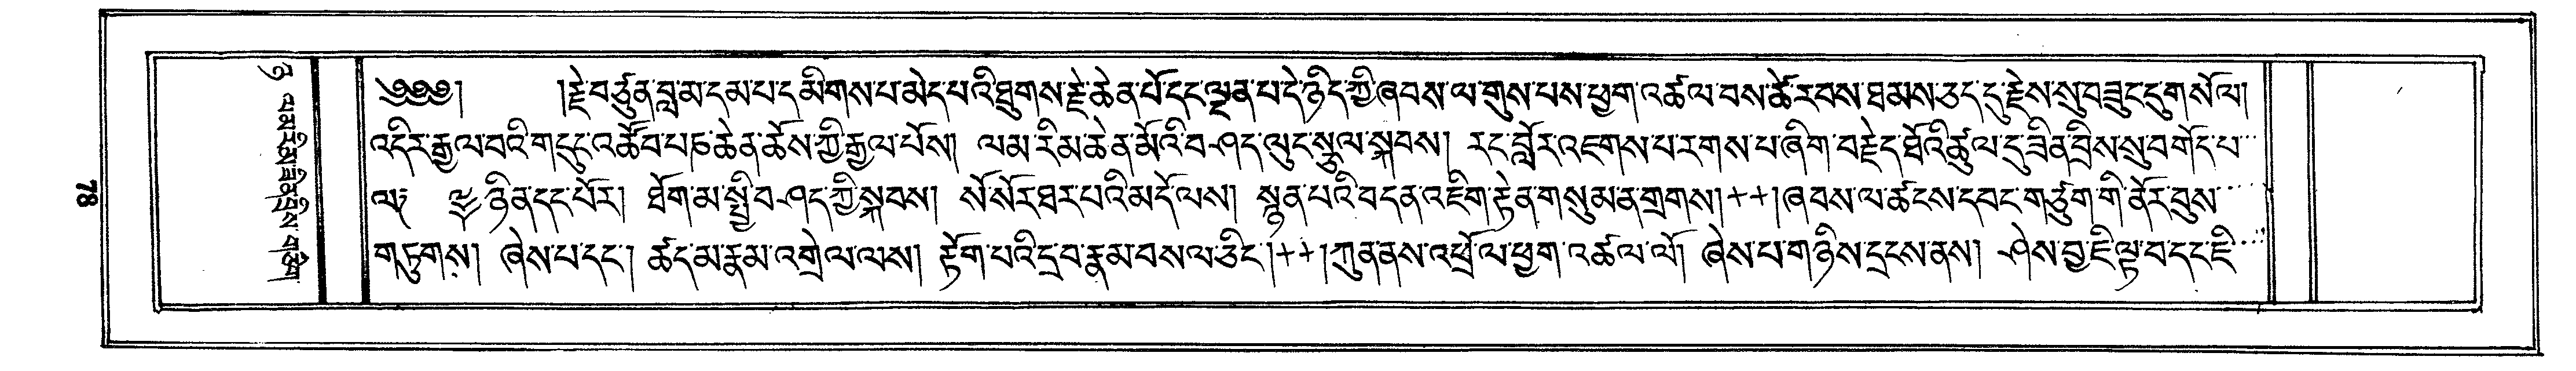༄༅༅། །རྗེ་བཙུན་བླ་མ་དམ་པ་དམིགས་པ་མེད་པའི་ཐུགས་རྗེ་ཆེན་པོ་དང་ལྡན་པ་དེ་ཉིད་ཀྱི་ཞབས་ལ་གུས་པས་ཕྱག་འཚལ་བས་ཚེ་རབས་ཐམས་ཅད་དུ་རྗེས་སུ་བཟུང་དུ་གསོལ།
འདིར་རྒྱལ་བའི་གདུང་འཚོབ་པཎ་ཆེན་ཆོས་ཀྱི་རྒྱལ་པོས། ལམ་རིམ་ཆེན་མོའི་བཤད་ལུང་སྩལ་སྐབས། རང་བློར་འཇགས་པ་རགས་པ་ཞིག་བརྗེད་ཐོའི་ཚུལ་དུ་ཟིན་བྲིས་སུ་འགོད་པ་
ལ༑ ༈ ཉིན་དང་པོར། ཐོག་མ་སྤྱི་བཤད་ཀྱི་སྐབས། སོ་སོར་ཐར་པའི་མདོ་ལས། སྙན་པའི་བ་དན་འཇིག་རྟེན་གསུམ་ན་གྲགས། །ཞབས་ལ་ཚངས་དབང་གཙུག་གི་ནོར་བུས་
གཏུགས། ཞེས་པ་དང་། ཚད་མ་རྣམ་འགྲེལ་ལས། རྟོག་པའི་དྲ་བ་རྣམ་བསལ་ཅིང་། །ཀུན་ནས་འཕྲོ་ལ་ཕྱག་འཚལ་ལོ། ཞེས་པ་གཉིས་དྲངས་ནས། ཤེས་བྱ་ཇི་ལྟ་བ་དང་ཇི་